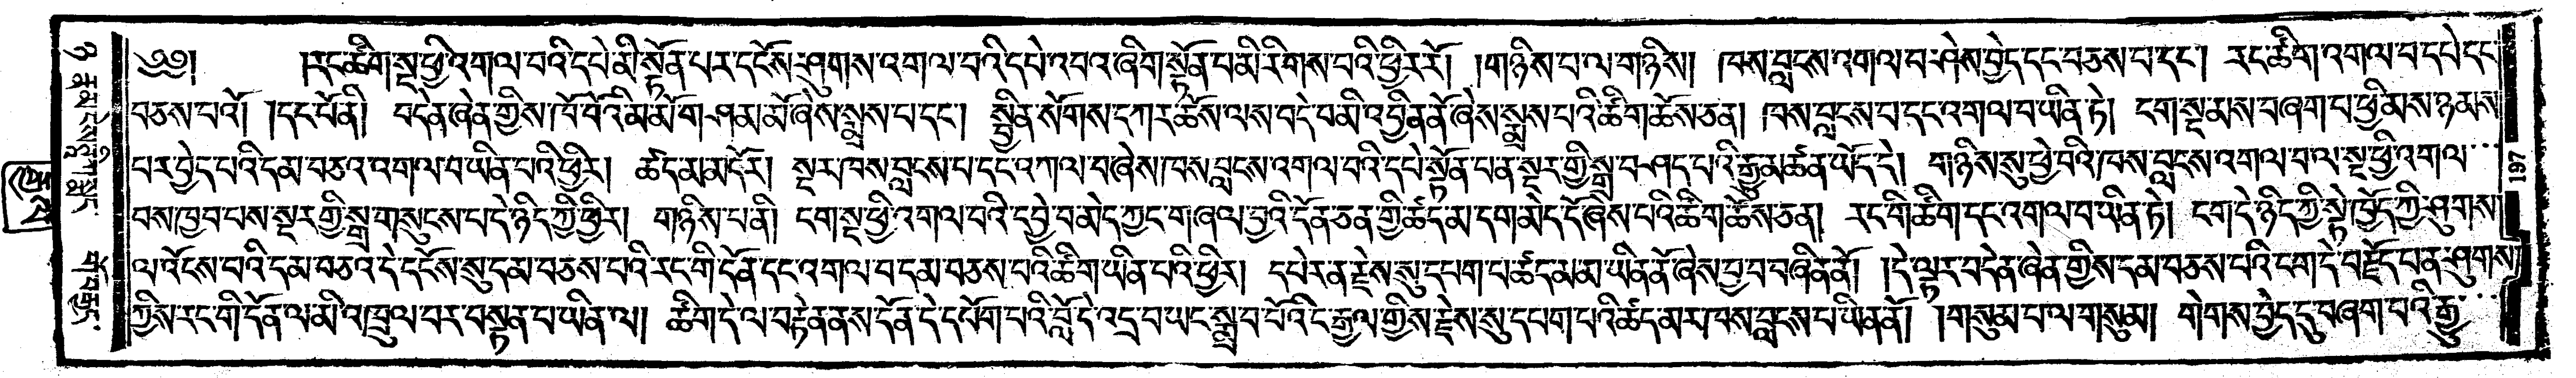༄༅། །རང་ཚིག་སྔ་ཕྱི་འགལ་བའི་དཔེ་མི་སྟོན་པར་དངོས་ཤུགས་འགལ་བའི་དཔེ་འབའ་ཞིག་སྟོན་པ་མི་རིགས་པའི་ཕྱིར་རོ། །གཉིས་པ་ལ་གཉིས། ཁས་བླངས་འགལ་བ་ཤེས་བྱེད་དང་བཅས་པ་དང་། རང་ཚིག་འགལ་བ་དཔེ་དང་
བཅས་པའོ། །དང་པོ་ནི། བདེན་ཞེན་གྱིས་ཁོ་བོའི་མ་མོ་གཤམ་མོ་ཞེས་སྨྲས་པ་དང་། སྦྱིན་སོགས་དཀར་ཆོས་ལས་བདེ་བ་མི་འབྱིན་ནོ་ཞེས་སྨྲས་པའི་ཚིག་ཆོས་ཅན། ཁས་བླངས་པ་དང་འགལ་བ་ཡིན་ཏེ། ངག་སྔ་མས་བཞག་པ་ཕྱི་མས་ཉམས་
པར་བྱེད་པའི་དམ་བཅའ་འགལ་བ་ཡིན་པའི་ཕྱིར། ཚད་མ་མདོར། སྔར་ཁས་བླངས་པ་དང་འགལ་བ་ཞེས་ཁས་བླངས་འགལ་བའི་དཔེ་སྟོན་པ་ན་སྔར་གྱི་སྒྲ་བཤད་པའི་རྒྱུ་མཚན་ཡོད་དེ། གཉིས་སུ་ཕྱེ་བའི་ཁས་བླངས་འགལ་བ་ལ་སྔ་ཕྱི་འགལ་
བས་ཁྱབ་པས་སྔར་གྱི་སྒྲ་གསུངས་པ་དེ་ཉིད་ཀྱི་ཕྱིར། གཉིས་པ་ནི། ངག་སྔ་ཕྱི་འགལ་བའི་དབྱེ་བ་མེད་ཀྱང་གཞལ་བྱའི་དོན་ཅན་གྱི་ཚད་མ་དག་མེད་དོ་ཞེས་པའི་ཚིག་ཆོས་ཅན། རང་གི་ཚིག་དང་འགལ་བ་ཡིན་ཏེ། ངག་དེ་ཉིད་ཀྱི་སྟེ་ཁྱོད་ཀྱི་ཤུགས་
ལ་འོངས་པའི་དམ་བཅའ་དེ་དངོས་སུ་དམ་བཅས་པའི་རང་གི་དོན་དང་འགལ་བ་དམ་བཅས་པའི་ཚིག་ཡིན་པའི་ཕྱིར། དཔེར་ན་རྗེས་སུ་དཔག་པ་ཚད་མ་མ་ཡིན་ནོ་ཞེས་བྱ་བ་བཞིན་ནོ། །དེ་ལྟར་བདེན་ཞེན་གྱིས་དམ་བཅས་པའི་ངག་དེ་བརྗོད་པ་ན་ཤུགས་
ཀྱིས་རང་གི་དོན་ལ་མི་འཁྲུལ་བར་བསྟན་པ་ཡིན་ལ། ཚིག་དེ་ལ་བརྟེན་ནས་དོན་དེ་དཔོག་པའི་བློ་དེ་འདྲ་བ་ཡང་སྨྲ་བ་པོའི་ང་རྒྱལ་གྱིས་རྗེས་སུ་དཔག་པའི་ཚད་མར་ཁས་བླངས་པ་ཡིན་ནོ། །གསུམ་པ་ལ་གསུམ། གེགས་བྱེད་དུ་བཞག་པའི་རྒྱུ་